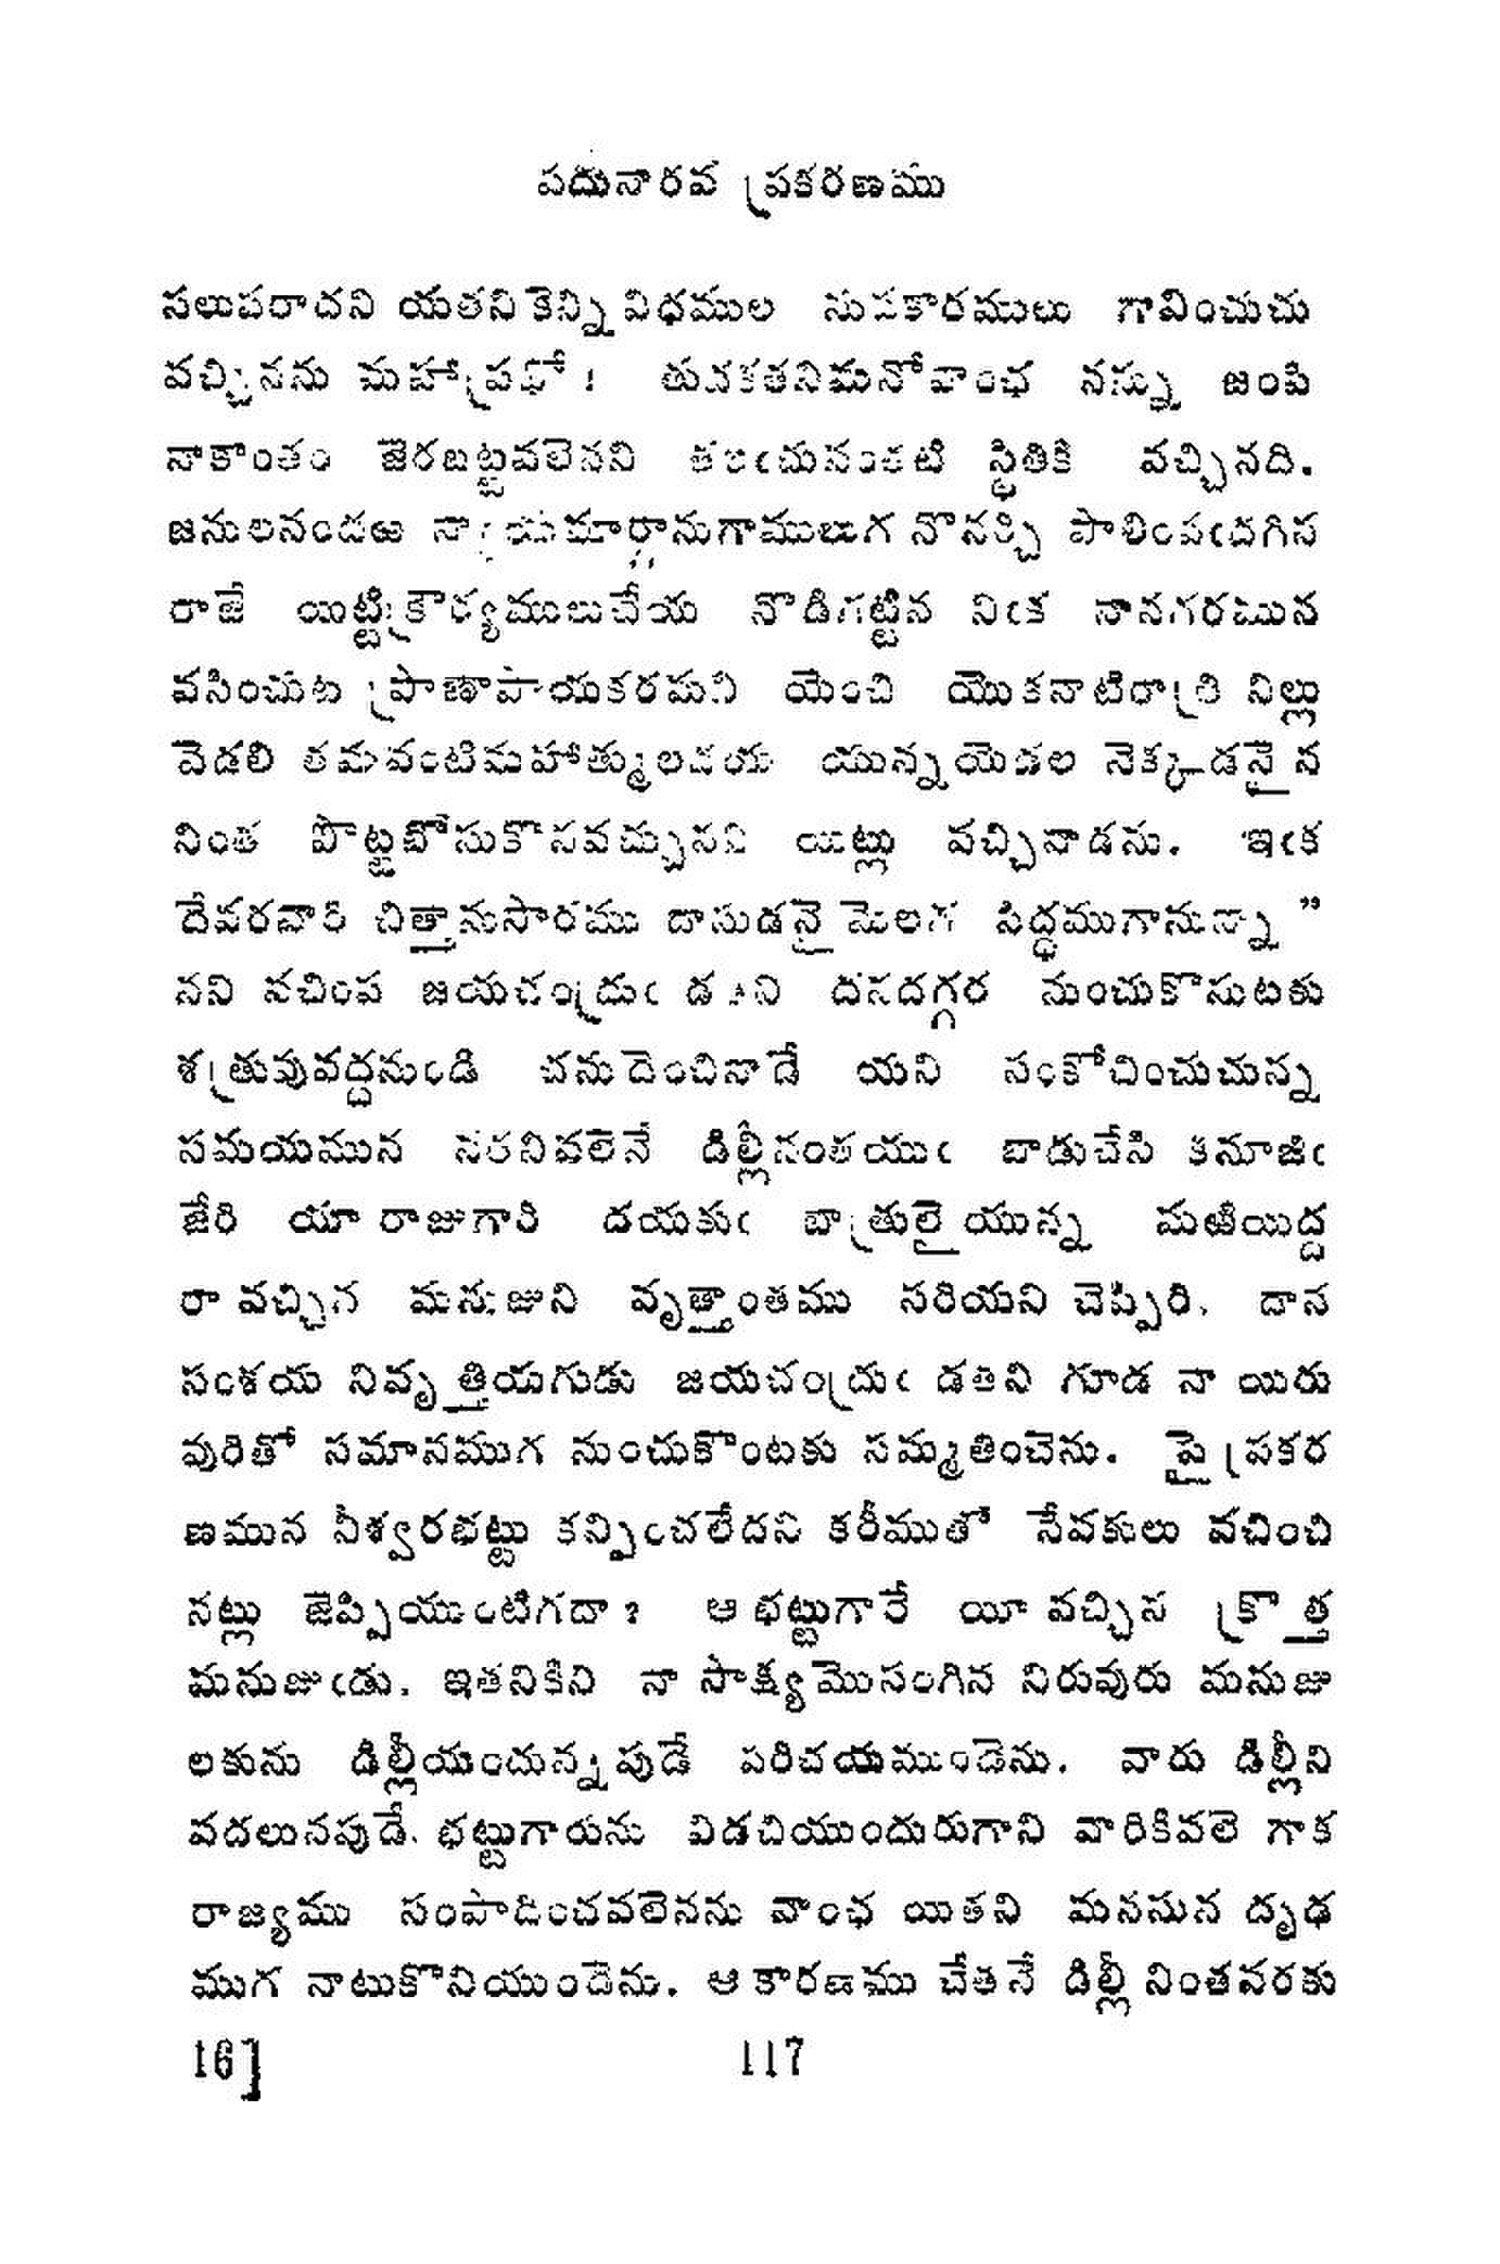సలుపరాదని యతనికెన్ని విధముల నుపకారములు గావించుచు వచ్చినను మహాప్రభో ! తుదకతనిమనోవాంఛ నన్ను జంపి నాకాంతం జెరబట్టవలెనని తలఁచునంతటి స్థితికి వచ్చినది. జనులనందఱు న్యాయమార్గానుగాములుగ నొనర్చి పాలింపఁదగిన రాజే యిట్టిక్రౌర్యములుచేయ నొడిగట్టిన నిఁక నానగరమున వసించుట ప్రాణాపాయకరమని యెంచి యొకనాటిరాత్రి నిల్లు వెడలి తమవంటిమహాత్ములదయ యున్నయెడల నెక్కడనైన నింత పొట్టబోసుకొనవచ్చునని యిట్లు వచ్చినాడను. ఇఁక దేవరవారి చిత్తానుసారము దాసుడనై మెలగ సిద్దముగానున్నా " నని వచింప జయచంద్రుఁ డతని దనదగ్గర నుంచుకొసుటకు శత్రువువద్దనుండి చనుదెంచినాడే యని సంకోచించుచున్న సమయమున నరనివలెనే డిల్లీనంతయుఁ బాడుచేసి కనూజిఁ జేరి యా రాజుగారి దయకుఁ బాత్రులై యున్న మఱియిద్ద రా వచ్చిన మనుజుని వృత్తాంతము సరియని చెప్పిరి. దాన సంశయ నివృత్తియగుడు జయచంద్రుఁ డతని గూడ నా యిరువురితో సమానముగ నుంచుకొంటకు సమ్మతించెను. పై ప్రకరణమున నీశ్వరభట్టు కన్పించలేదని కరీముతో సేవకులు వచించినట్లు జెప్పియుంటిగదా ! ఆ భట్టుగారే యీవచ్చిన కొత్త మనుజుఁడు. ఇతనికిని నా సాక్ష్యమొసంగిన నిరువురు మనుజులకును డిల్లీయందున్నపుడే పరిచయముండెను. వారు డిల్లీని వదలునపుడే భట్టుగారును విడచియుందురుగాని వారికివలె గాక రాజ్యము సంపాదించవలెనను వాంఛ యితని మనసున దృఢముగ నాటుకొనియుండెను. ఆ కారణము చేతనే డిల్లీ నింతవరకు